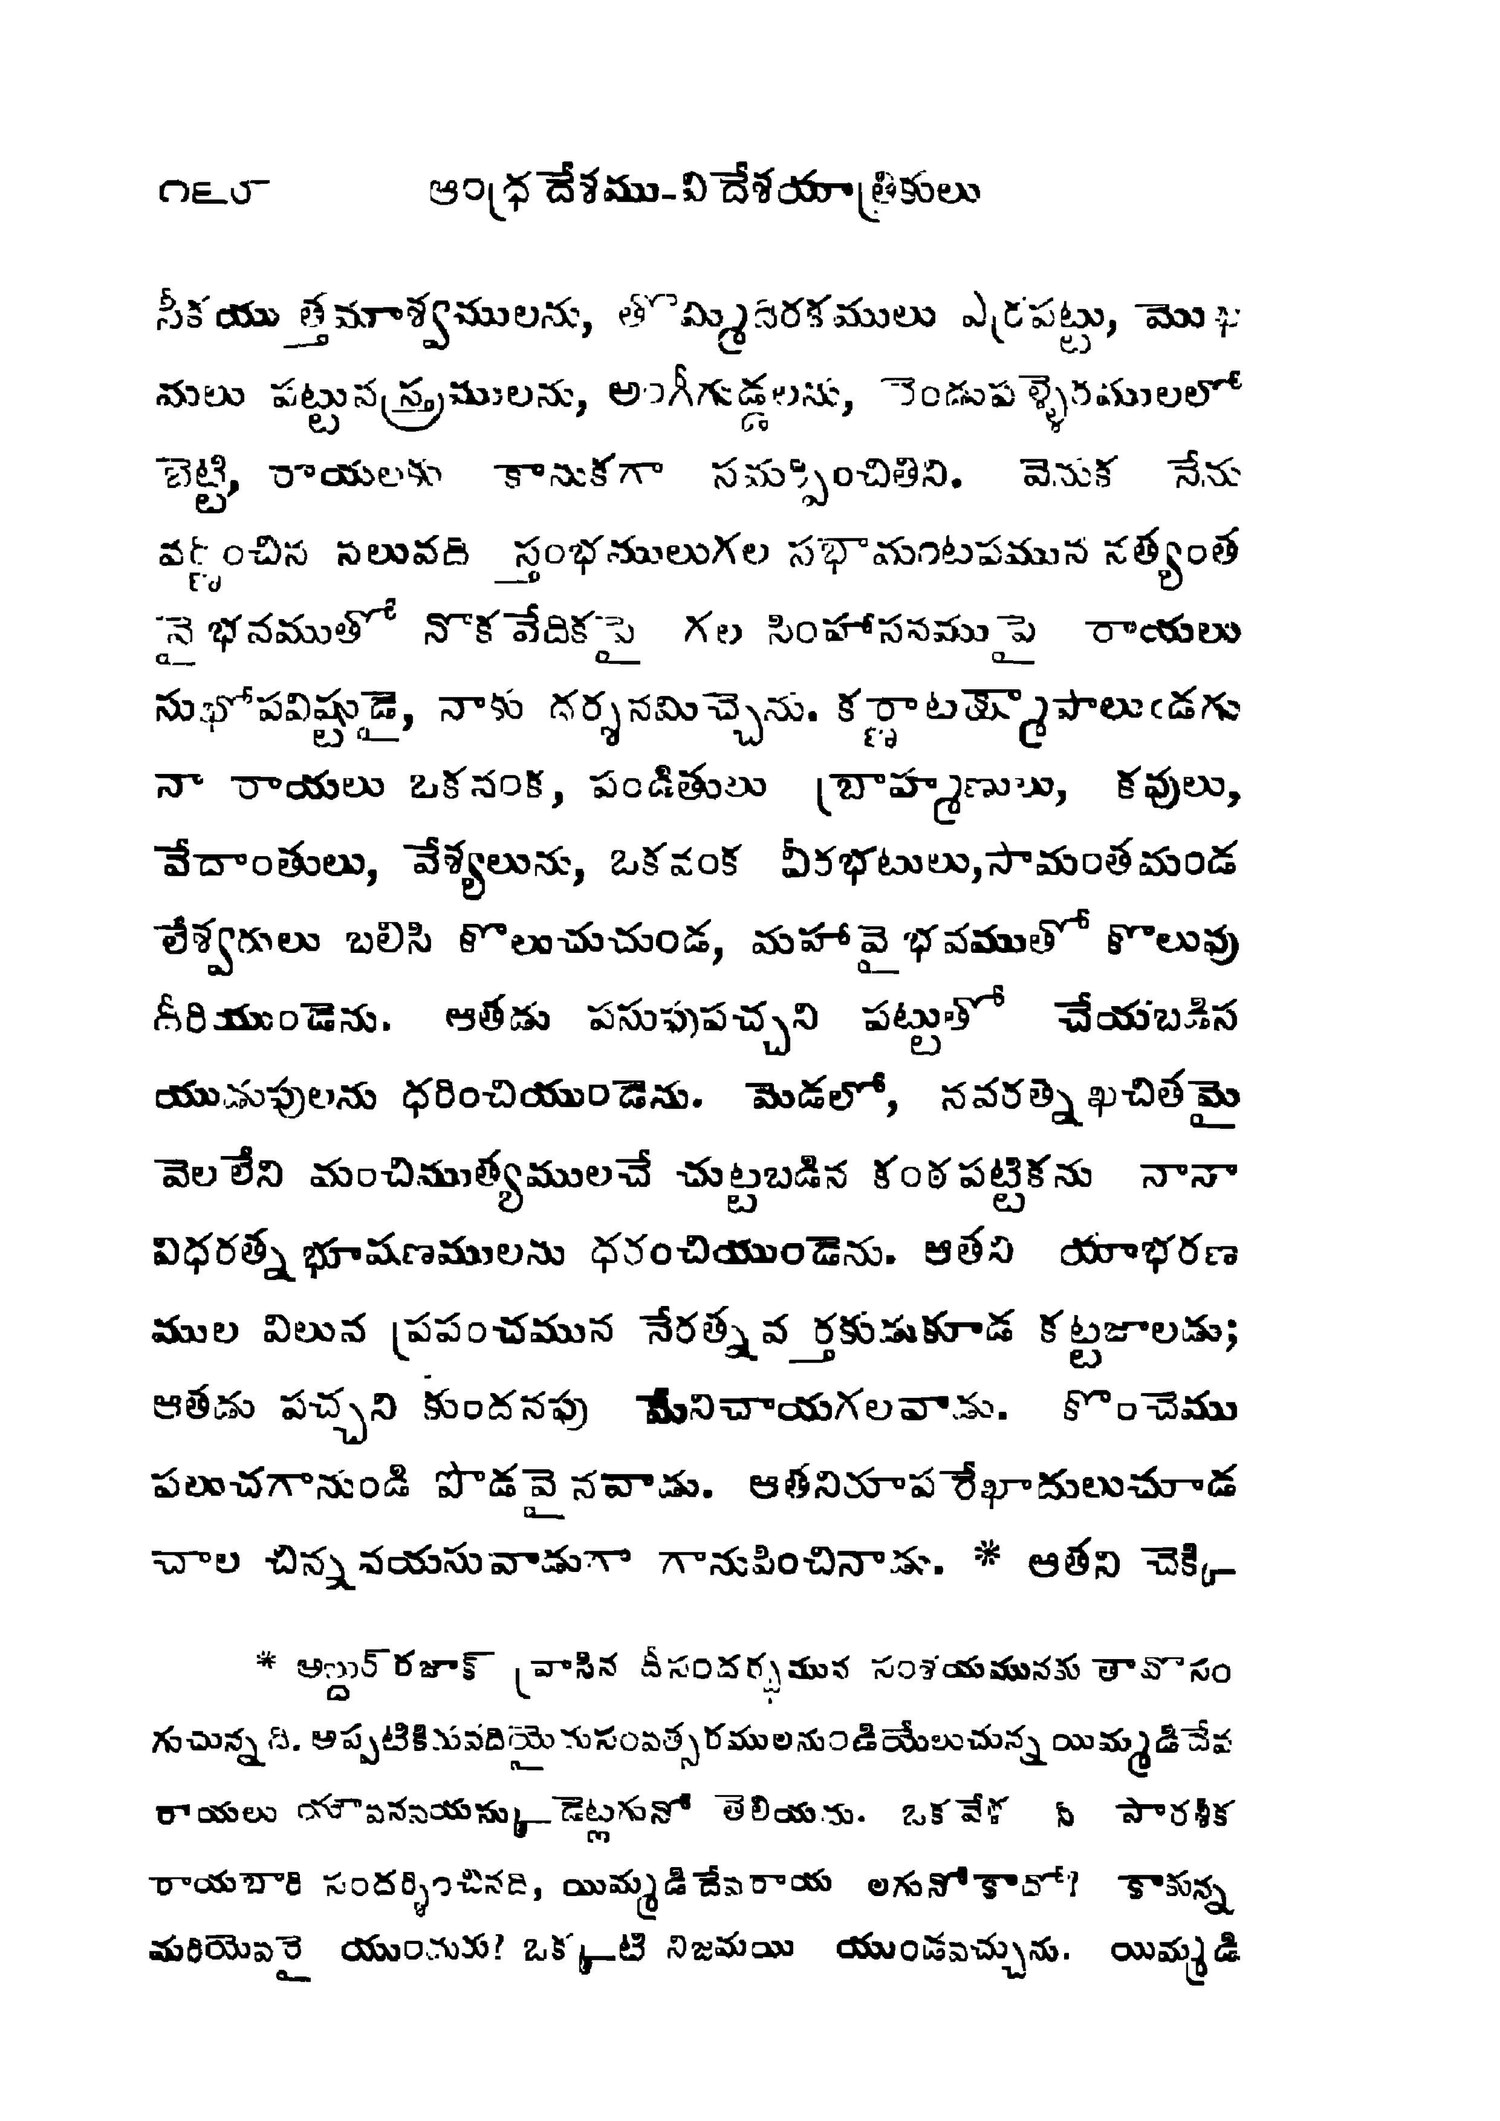సీక యుత్తమాశ్వములను, తొమ్మిదిరకములు ఎర్రపట్టు, మొఖమలు పట్టువస్త్రములను, అంగీగుడ్డలను, రెండుపళ్ళెరములలో బెట్టి, రాయలకు కానుకగా సమర్పించితిని. వెనుక నేను వర్ణించిన నలువది స్తంభములుగల సభామంటపమున నత్యంత వైభవముతో నొకవేదికపై గల సింహాసనముపై రాయలు సుఖోపవిష్టుడై, నాకు దర్శనమిచ్చెను. కర్ణాటక్ష్మాపాలుడగు నా రాయలు ఒకవంక, పండితులు బ్రాహ్మణులు, కవులు, వేదాంతులు, వేశ్యలును, ఒకవంక వీరభటులు, సామంతమండలేశ్వరులు బలిసి కొలుచుచుండ, మహావైభవముతో కొలువు దీరియుండెను. ఆతడు పసుపుపచ్చని పట్టుతో చేయబడిన యుడుపులను ధరించియుండెను. మెడలో, నరత్నఖచితమై వెలలేని మంచిముత్యములచే చుట్టబడిన కంఠపట్టికను నానావిధరత్నభూషణములను ధరించియుండెను. అతని యాభరణముల విలువ ప్రపంచమున నేరత్నవర్తకుడుకూడ కట్టజాలడు; ఆతడు పచ్చని కుందనపు మేనిచాయగలవాడు. కొంచెము పలుచగానుండి పొడవైనవాడు. ఆతనిరూపరేఖాదులుచూడ చాల చిన్నవయసువాడుగా గానుపించినాడు. ఆతని చెక్కి